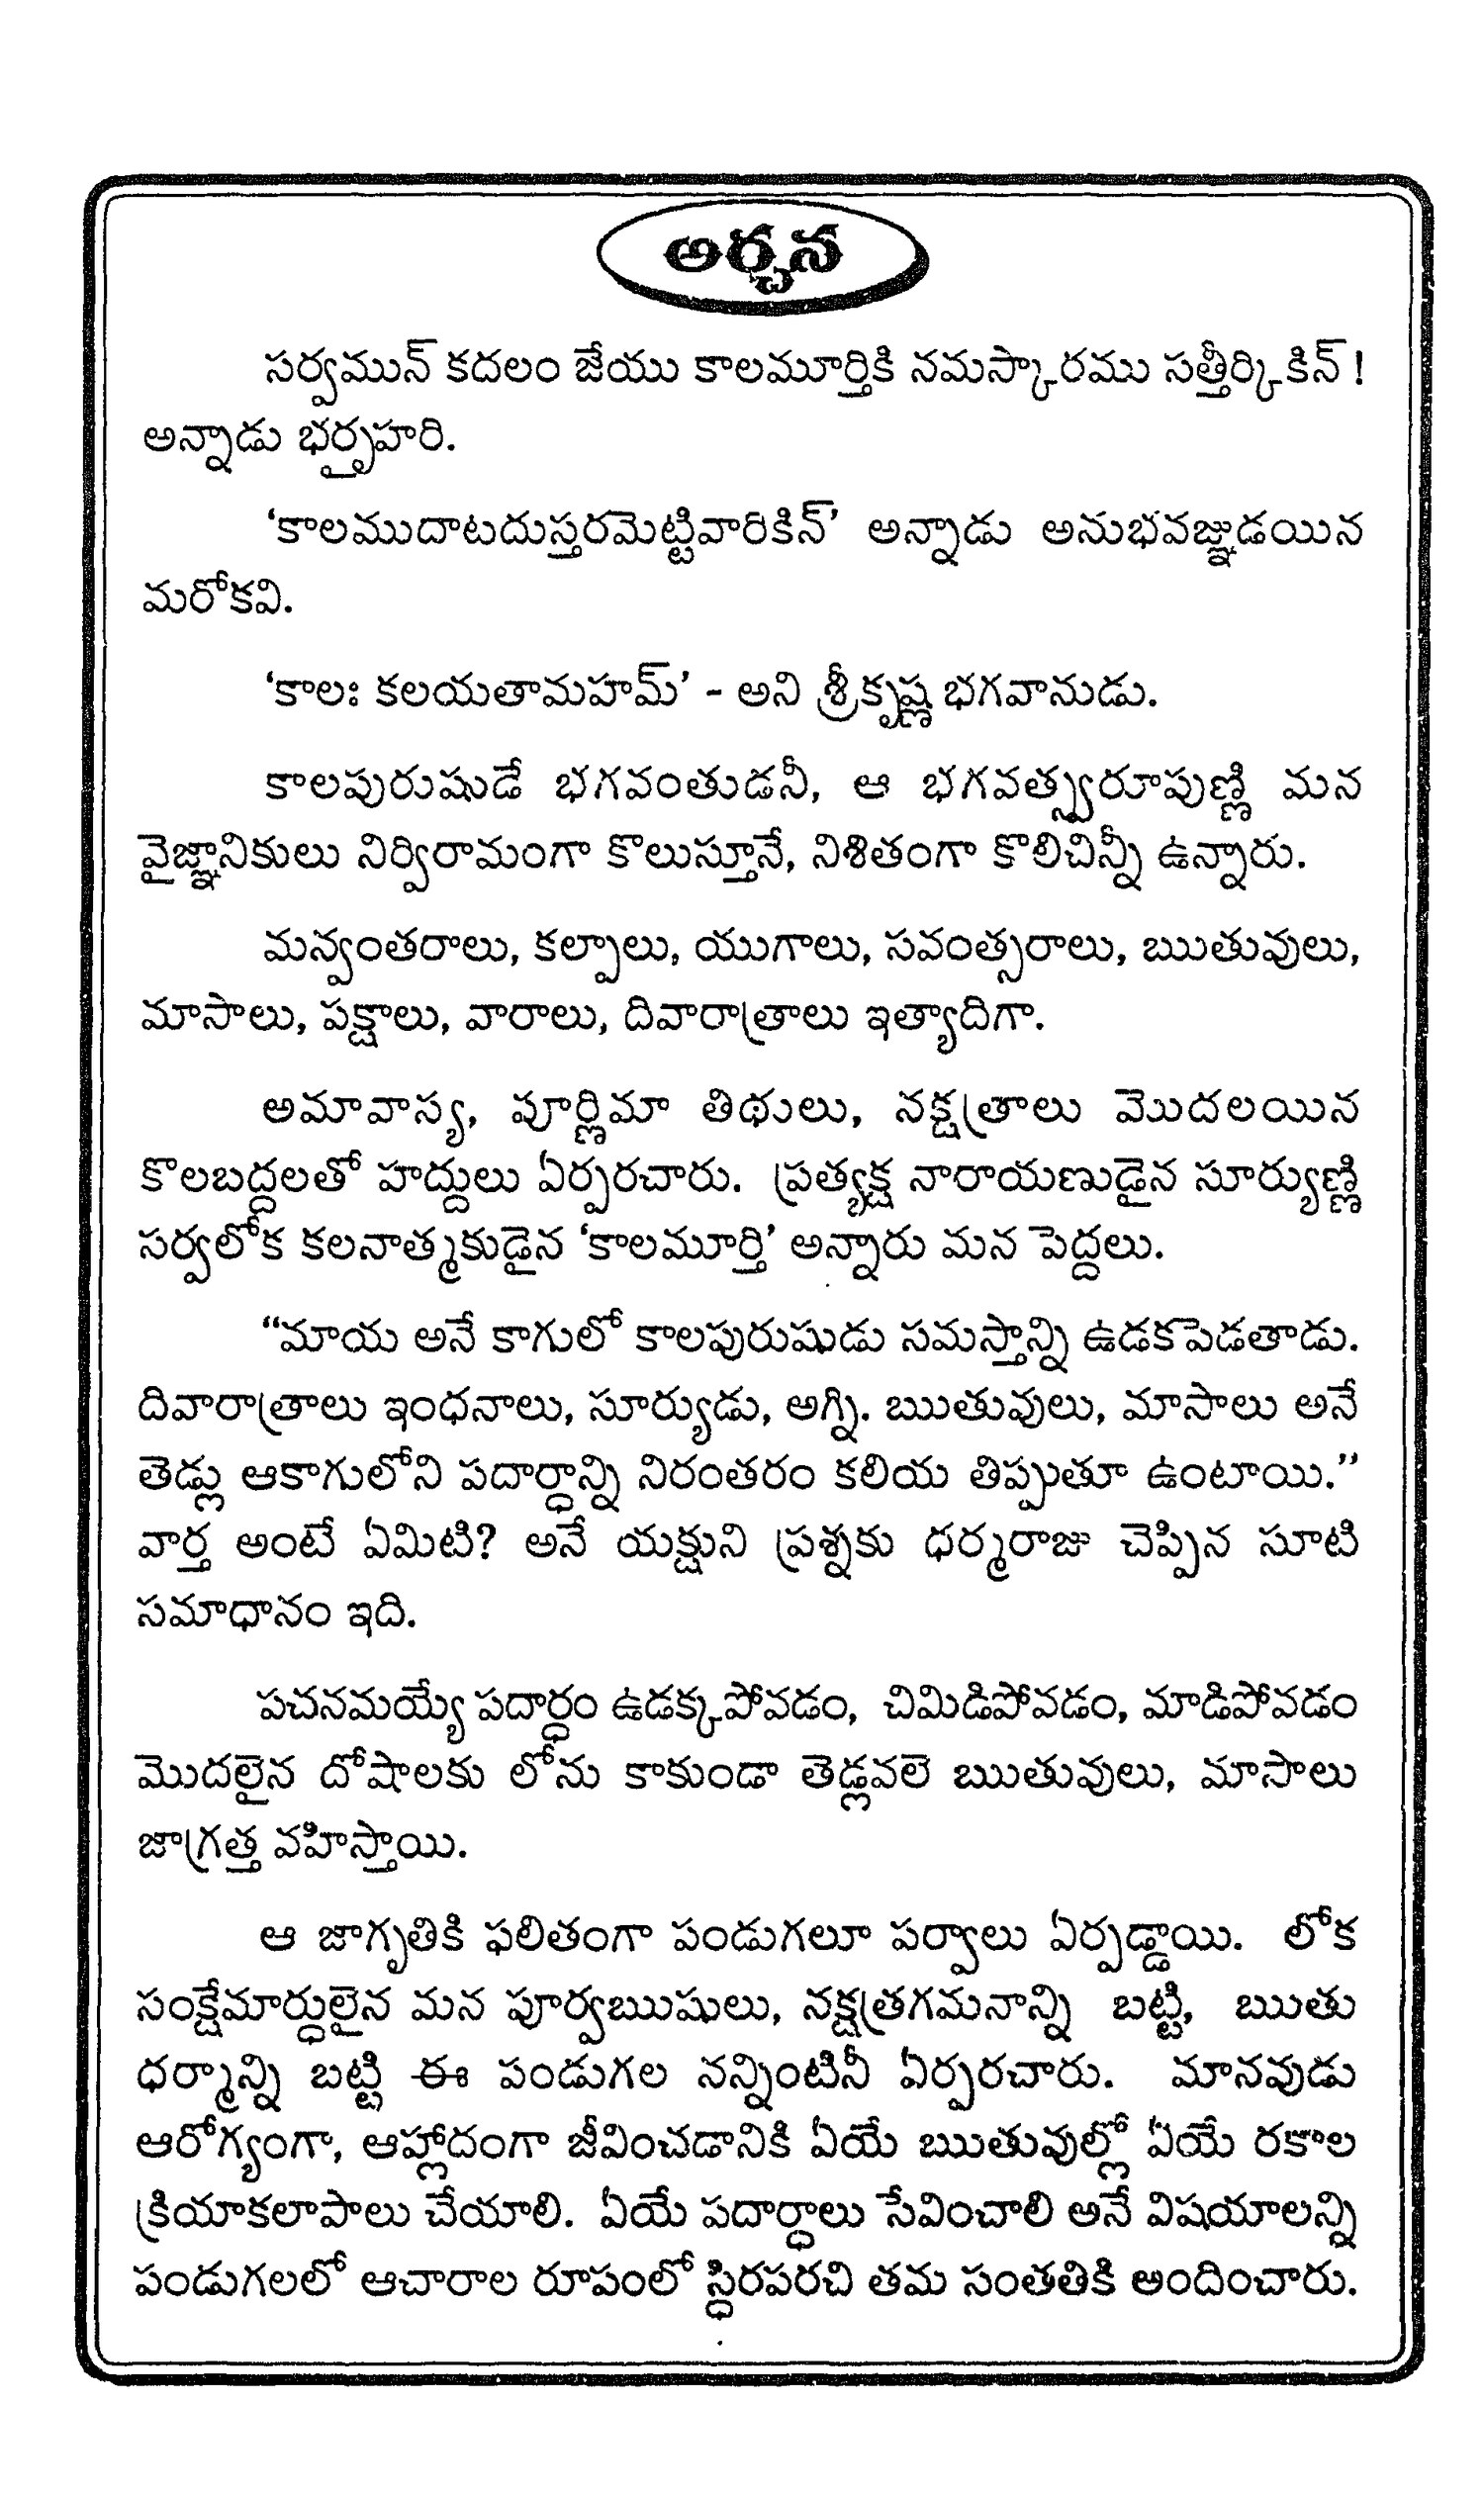సర్వమున్ కదలం జేయు కాలమూర్తికి నమస్కారము సత్తీర్కికిన్! అన్నాడు భర్తృహరి.

' కాలముదాటదుస్తరమెట్టివారికిన్ ' అన్నాడు అనుభవజ్ఞఉడయిన మరోకవి.

' కాలః కలయతామహమ్‌ ' - అని శ్రీకృష్ణ భగవానుడు.

కాలపురుషుడే భగవంతుడనీ, ఆ భగవత్స్వరూపుణ్ణి మన వైజ్ఞానికులు నిర్విరామంగా కొలుస్తూనే, నిశితంగా కొలిచిన్నీ ఉన్నారు.

మన్వంతరాలు, కల్పాలు, యుగాలు, సంవత్సరాలు, ఋతువులు, మాసాలు, పక్షాలు, వారాలు, దివారాత్రాలు ఇత్యాదిగా.

అమావాస్య, పూర్ణిమా తిథులు, నక్షత్రాలు మొదలయిన కొలబద్దలతో హద్దులు ఏర్పరచారు. ప్రత్యక్ష నారాయణుడైన సూర్యుణ్ణి సర్వలోక కలనాత్మకుడైన ' కాలమూర్తి ' అన్నారు మన పెద్దలు.

" మాయ అనే కాగులో కాలపురుషుడు సమస్తాన్ని ఉడకపెడతాడు. దివారాత్రాలు ఇంధనాలు, సూర్యుడు, అగ్ని, ఋతువులు, మాసాలు అనే తెడ్లు ఆకాగులోని పదార్ధాన్ని నిరంతరం కలియ తిప్పుతూ ఉంటాయి." వార్త అంటే ఏమిటి? అనే యక్షుని ప్రశ్నకు ధర్మరాజు చెప్పిన సూటి సమాధానం ఇది.

పచనమయ్యే పదార్ధం ఉడక్కపోవడం, చిమిడిపోవడం, మాడిపోవడం మొదలైన దోషాలకు లోను కాకుండా తెడ్లవలె ఋతువులు, మాసాలు జాగ్రత్త వహిస్తాయి.

ఆ జాగృతికి ఫలితంగా పండుగలూ పర్వాలు ఏర్పడ్డాయి. లోక సంక్షేమార్ధులైన మన పూర్వఋషులు, నక్షత్రగమనాన్ని బట్టి, ఋతుధర్మాన్ని బట్టి ఈ పండుగల నన్నింటినీ ఏర్పరచారు. మానవుడు ఆరోగ్యంగా, ఆహ్లాదంగా జీవించడానికి ఏయే ఋతువుల్లో ఏయే రకాల క్రియాకలాపాలు చేయాలి. ఏయే పదార్ధాలు సేవించాలి అనే విషయాలన్ని పండుగలలో ఆచారాల రూపంలో స్థిరపరచి తమ సంతతికి అందించారు.